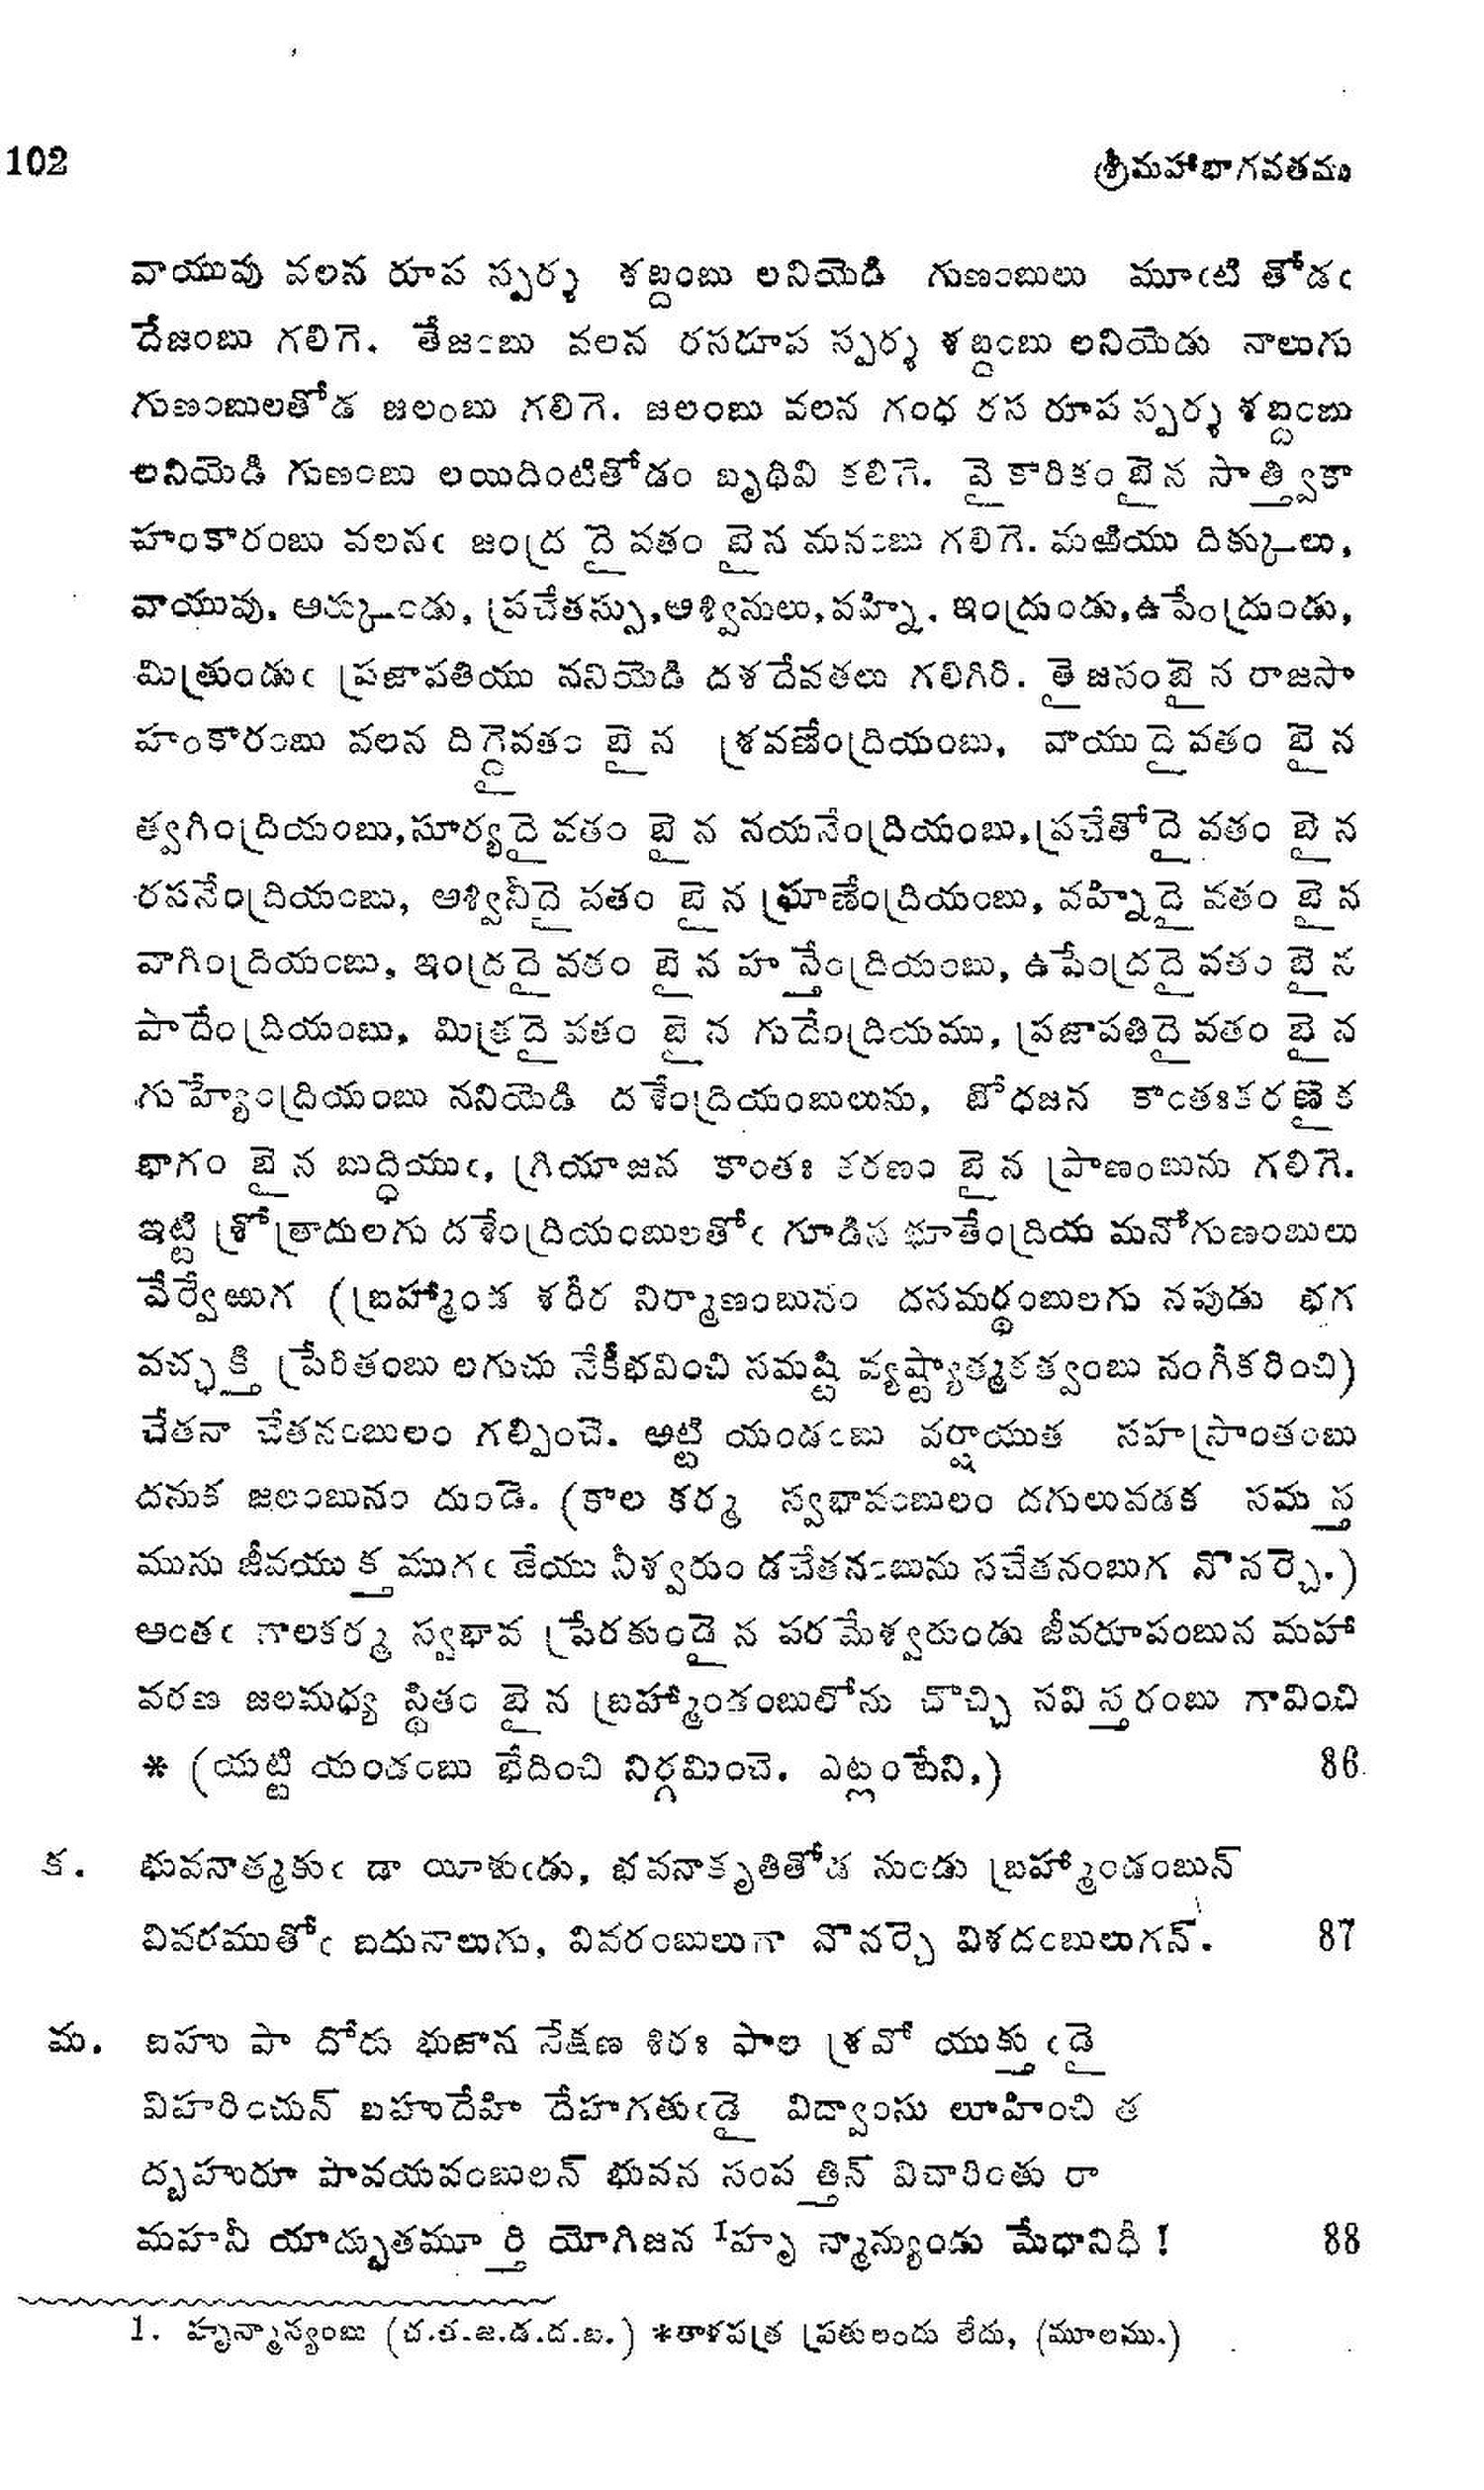102

వాయువు వలన రూప స్పర్శ శబ్దంబు లనియెడి గుణంబులు మూఁటి తోడఁ దేజంబు గలిగె. తేజంబు వలన రసరూప స్పర్శ శబ్దంబు లనియెడు నాలుగు గుణంబులతోడ జలంబు గలిగె. జలంబు వలన గంధ రస రూప స్పర్శ శబ్దంబు లనియెడి గుణంబు లయిదింటితోడం బృథివి కలిగె. వైకారికంబైన సాత్త్వికాహంకారంబు వలనఁ జంద్ర దైవతంబైన మనంబు గలిగె. మఱియు దిక్కులు, వాయువు, అర్కుండు, ప్రచేతస్సు, అశ్వినులు, వహ్ని, ఇంద్రుడు, ఉపేంద్రుడు, మిత్రుండుఁ ప్రజాపతియు ననియెడి దశ దేవతలు గలిగిరి. తైజసంబైన రాజసాహంకారంబు వలన దిగ్దైవతంబైన శ్రవణేంద్రియంబు, వాయుదైవతంబైన త్వగింద్రియంబు, సూర్యదైవతంబైన నయనేంద్రియంబు, ప్రచేతోదైవతంబైన రసనేంద్రియంబు, అశ్వినీదైవతంబైన జ్ఞాణేంద్రియంబు, వహ్నిదైవతంబైన వాగింద్రియంబు, ఇంద్రదైవతంబైన హస్తేంద్రియంబు, ఉపేంద్రదైవతంబైన పాదేంద్రియంబు, మిత్రదైవతంబైన గుదేంద్రియము, ప్రజాపతిదైవతంబైన గుహ్యేంద్రియంబు, ననియెడి దశేంద్రియంబులను బోధజన కాంత:కరణైక భాగంబైన బుద్ధియుఁ, గ్రియాజన కాంత:కరణంబైన ప్రాణంబును గలిగె. ఇట్టి శ్రోత్రాదులగు దశేంద్రియంబులతోఁ గూడిన భూతేంద్రియ మనోగుణంబులు వేర్వేఱుగ ( బ్రహ్మాండ శరీర నిర్మాణంబునం దసమర్ధంబులగు నపుడు భగవచ్ఛక్తి ప్రేరితంబులగుచు నేకీభవించి సమిష్టి వ్యష్ట్యాత్మ కత్వంబు నంగీకరించి) చేతనా చేతనంబుల గల్పించె. అట్టి యడంబు వర్షాయుత సహస్రాతంబు దనుక జలంబునం దుండె. ( కాల కర్మ స్వభావంబులం దగులు వడక సమస్తమును జీవయుక్తముగఁజేయు నీశ్వరుండ చేతనంబున సచేతనంబుగ నొనర్చె.) అంతఁ గాలకర్మ స్వభావ ప్రేరకుండైన పరమేశ్వరుండు జీవరూపంబున మహావరణ జలమధ్య స్థితంబైన బ్రహ్మాండంబులోను బొచ్చి సవిస్తరంబు గావించి ( యట్టి యండంబు భేదించి నిర్గమించె . ఎట్లుంటేని.) ( 86 )

క. భువనాత్మకుఁ డా యీశుఁడు, భవనాకృతితోడ నుండు బ్రహ్మాండంబున్ 

వివరముతోఁ బదునాలుగు, వివరంబులుగా నొనర్చె విశదంబులుగన్. ( 87 )

మ. బహు పా దోరు భుజాస నేక్షణ శిర: ఫాల శ్రవో యుక్తుఁడై 

విహరించున్ బహుదేహి దేహగతుఁడై విద్వాంసు లూహించి త 

ద్బహురూ పావయవంబులన్ భువన సంపత్తిన్ విచారింతు రా

మహనీయాద్భుతమూర్తి యోగిజన హృన్మాన్యుండు మేధానిధీ! ( 88 )